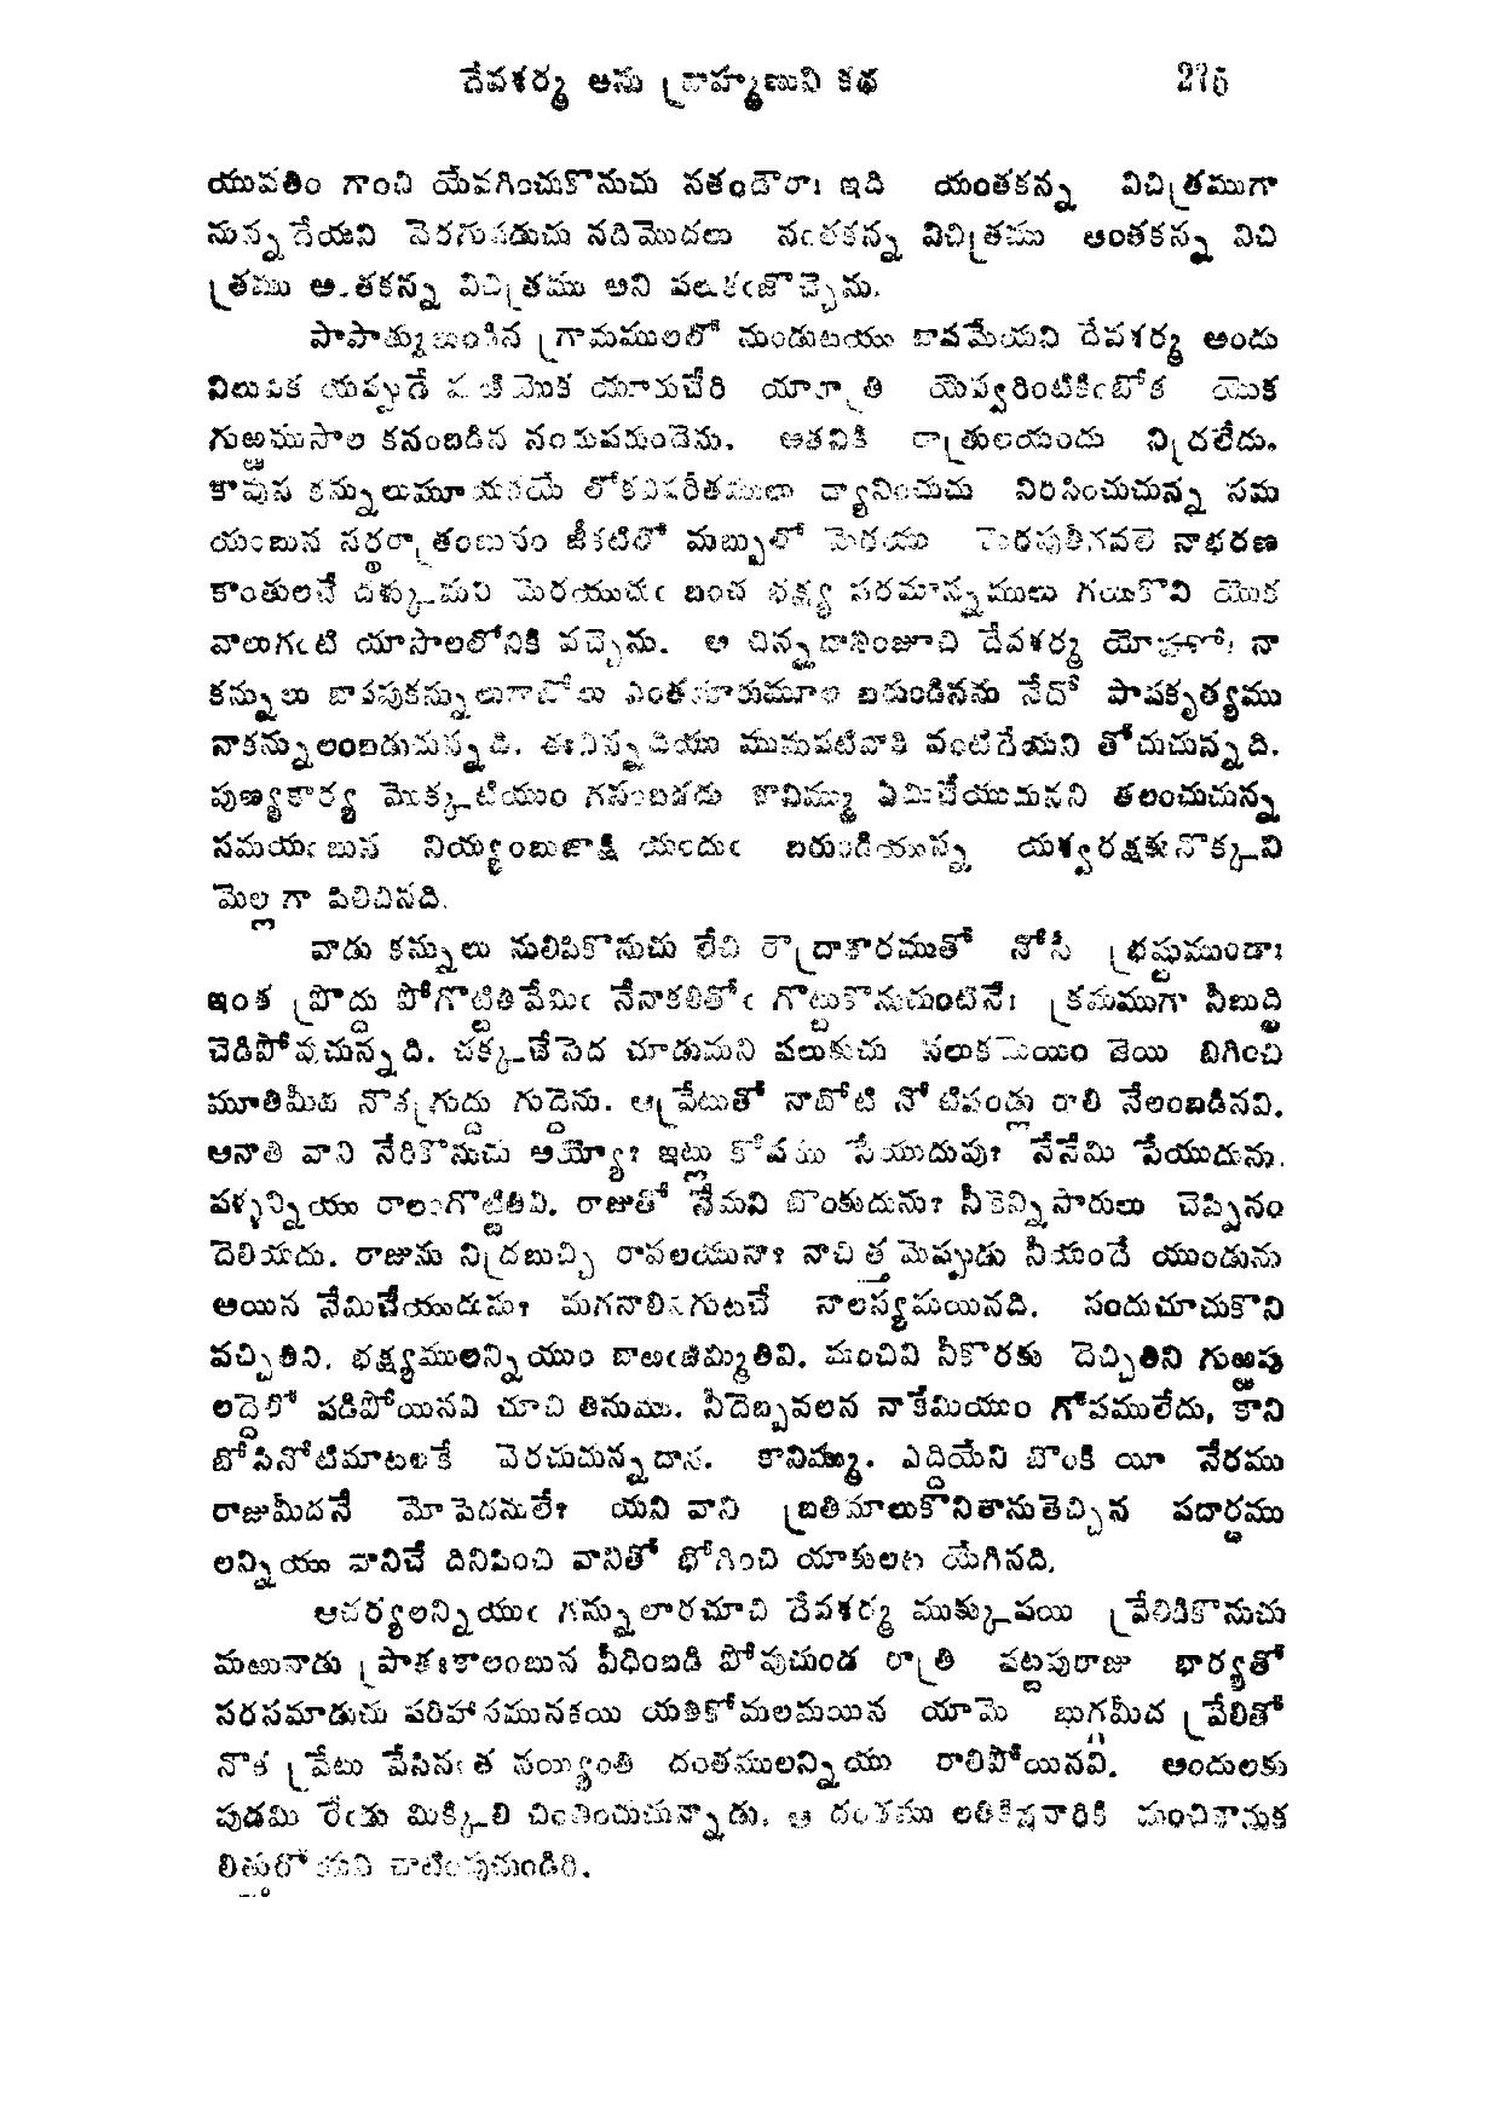యువతిం గాంచి యేవగించుకొనుచు నతండౌరా! ఇది యంతకన్న విచిత్రముగా నున్నదేయని వెరగుపడుచు నదిమొదలు నంతకన్న విచిత్రము అంతకన్న విచిత్రము అంతకన్న విచిత్రము అని పలుకఁజొచ్చెను.

పాపాత్ములుండిన గ్రామములలో నుండుటయు బాపమేయని దేవశర్మ అందు నిలువక యప్పుడే మఱియొక యూరుచేరి యారాత్రి యెవ్వరింటికిఁబోక యొక గుఱ్ఱముసాల కనంబడిన నందుపరుండెను. అతనికి రాత్రులయందు నిద్రలేదు. కావున కన్నులుమూయకయే లోకవిపరీతములు ద్యానించుచు నిరసించుచున్న సమయంబున నర్థరాత్రంబునం జీకటిలో మబ్బులో మెరయు మెరపుతీగవలె నాభరణ కాంతులచే దళ్కుమని మెరయుచుఁ బంచభక్ష్యపరమాన్నములు గయికొని యొక వాలుగంటి యాసాలలోనికి వచ్చెను. ఆ చిన్నదానింజూచి దేవశర్మ యోహో! నా కన్నులు బాపపుకన్నులుగాబోలు ఎంతమారుమూల బరుండినను నేదో పాపకృత్యము నాకన్నులంబడుచున్నది. ఈచిన్నదియు మునుపటివారి వంటిదేయని తోచుచున్నది. పుణ్యకార్య మొక్కటియుం గనంబడదు. కానిమ్ము ఏమిచేయుదునని తలంచుచున్న సమయంబున నియ్యంబుజాక్షి యందుఁ బరుండియున్న యశ్వరక్షకునొక్కని మెల్లగా పిలిచినది.

వాడు కన్నులు నులిపికొనుచు లేచి రౌద్రాకారముతో నోసీ భ్రష్టుముండా! ఇంత ప్రొద్దు పోగొట్టితివేమిఁ నేనాకలితోఁ గొట్టుకొనుచుంటినే! క్రమముగా నీబుద్ధి చెడిపోవుచున్నది. చక్క చేసెద చూడుమని పలుకుచు నలుకమెయిం జెయి బిగించి మూతిమీద నొకగ్రుద్దు గుద్దెను. ఆవ్రేటుతో నాబోటి నోటిపండ్లు రాలి నేలంబడినవి. ఆనాతి వాని నేరికొనుచు అయ్యో? ఇట్లు కోపము సేయుదువు? నేనేమి సేయుదును. పళ్ళన్నియు రాలంగొట్టితివి. రాజుతో నేమని బొంకుదును? నీకెన్నిసారులు చెప్పినం
దెలియదు. రాజును నిద్రబుచ్చి రావలయునా ? నాచిత్త మెప్పుడు నీయందే యుండును అయిన నేమిచేయుదును? మగనాలినగుటచే నాలస్యమయినది. సందుచూచుకొని వచ్చితిని. భక్ష్యములన్నియుం బాఱఁజిమ్మితివి. మంచివి నీకొరకు దెచ్చితిని గుఱ్ఱపు లద్దెలో పడిపోయినవి చూచి తినుము. నీదెబ్బవలన నాకేమియుం గోపములేదు, కాని బోసినోటిమాటలకే వెరచుచున్న దాన. కానిమ్ము. ఎద్దియేని బొంకి యీ నేరము రాజుమీదనే మో పెదనులే! యని వాని బ్రతిమాలుకొని తాను తెచ్చిన పదార్దములన్నియు వానిచే దినిపించి వానితో భోగించి యాకులట యేగినది.

ఆచర్యలన్నియుఁ గన్ను లారచూచి దేవశర్మ ముక్కుపయి వ్రేలిడికొనుచు మఱునాడు ప్రాతఃకాలంబున వీధింబడి పోవుచుండ రాత్రి పట్టపురాజు భార్యతో సరసమాడుచు పరిహాసమునకయి యతికోమలమయిన యామె బుగ్గమీద వ్రేలితో నొక వ్రేటు వేసినంత నయ్యింతి దంతములన్నియు రాలిపోయినవి. అందులకు పుడమి రేఁడు మిక్కిలి చింతించుచున్నాడు. ఆ దంతము లతికినవారికి మంచికానుక లిత్తురోయని చాటింపుచుండిరి.